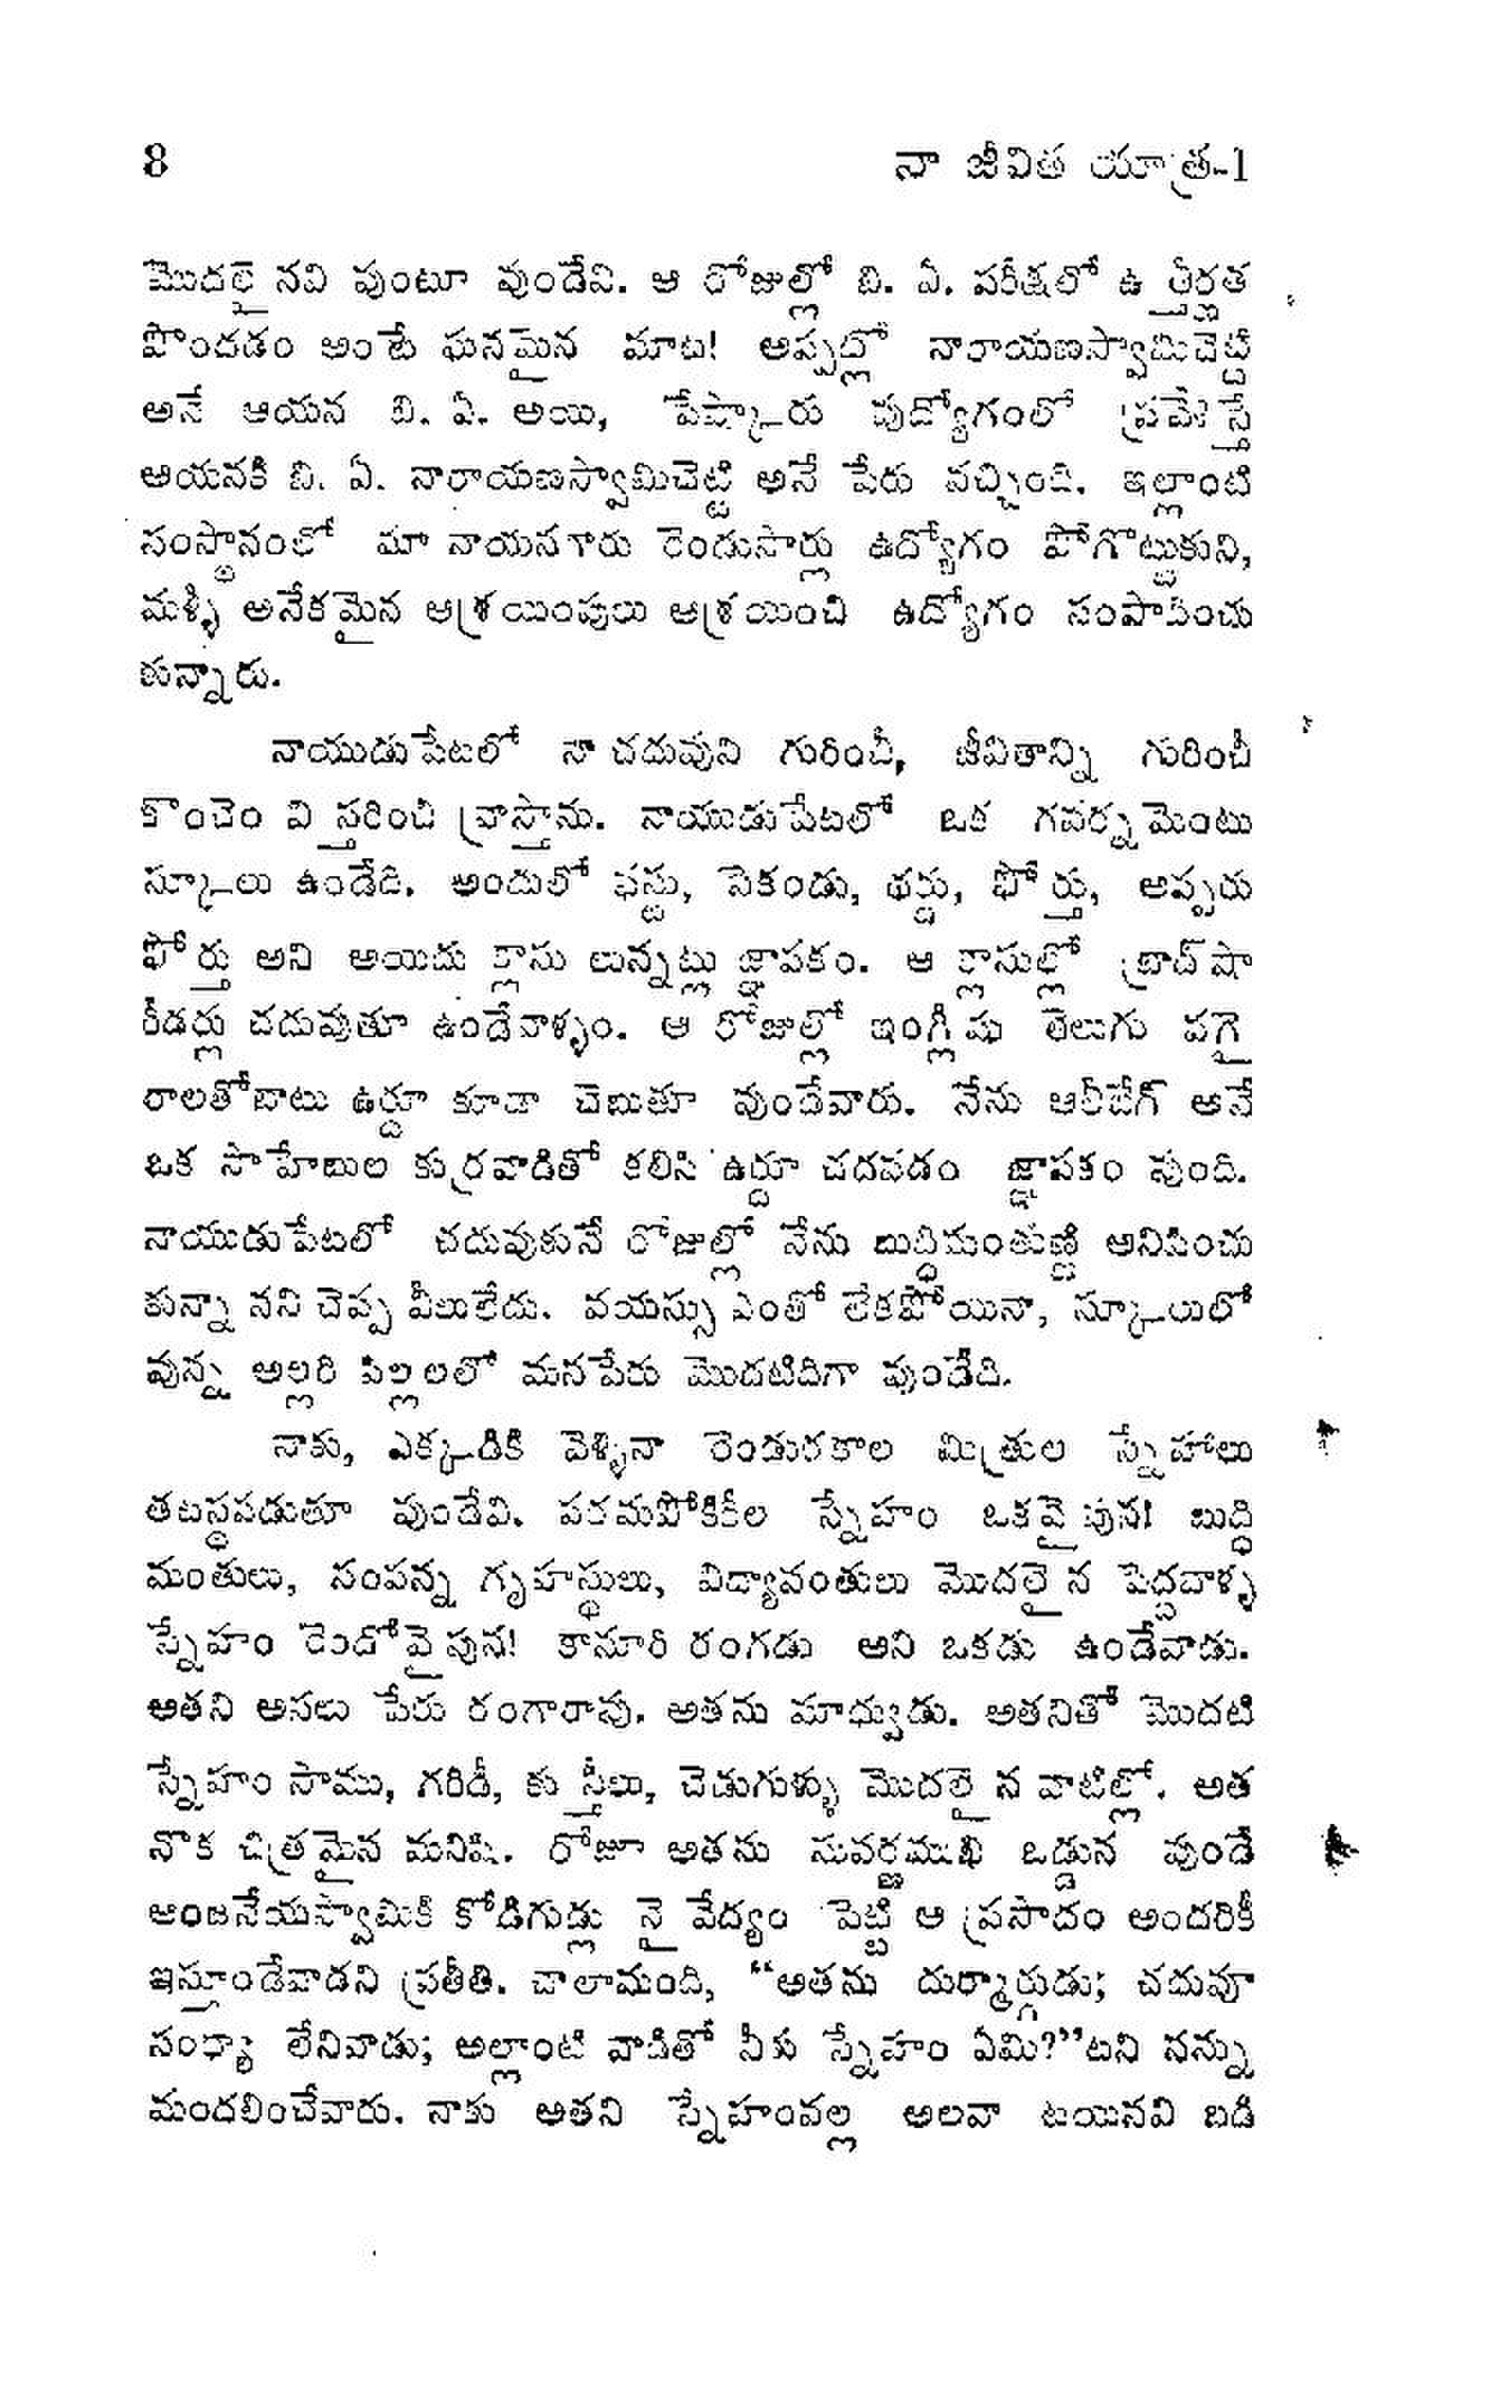మొదలైనవి ఉంటూ ఉండేవి. ఆ రోజుల్లో బి.ఏ పరీక్షలో ఉత్తీర్ణత పొందడం అంటే ఘనమైన మాట! అప్పట్లో నారాయణస్వామిచెట్టి అనే ఆయన బి.ఏ అయి, పేష్కారు వుద్యోగంలో ప్రవేశిస్తే ఆయనకి బి.ఏ నారాయణస్వామిచెట్టి అనే పేరు వచ్చింది. ఇల్లాంటి సంస్థానంలో మా నాయనగారు రెండుసార్లు ఉద్యోగం పోగొట్టుకుని, మళ్ళీ అనేకమైన ఆశ్రయింపులు ఆశ్రయించి ఉద్యోగం సంపాదించుకున్నారు.

నాయుడుపేటలో నా చదువు గురించీ, జీవితాన్ని గురించీ కొంచెం విస్తరించి వ్రాస్తాను. నాయుడుపేటలో ఒక గవర్నమెంటు స్కూలు ఉండేది. అందులో ఫస్టు, సెకండు, థర్డు, ఫోర్తు, అప్పరు ఫోర్తు అని అయిదు క్లాసులు ఉన్నట్లు జ్ఞాపకం. ఆ క్లాసుల్లో బ్రాద్‌షా రీడర్లు చదువుతూ ఉండేవాళ్ళం. ఆ రోజుల్లో ఇంగ్లీషు తెలుగు వగైరాలతోబాటు ఉర్దూ కూడా చెబుతూ ఉండేవారు. నేను ఆలీబేగ్ అనే సాహేబుల కుర్రవాడితో కలిసి ఉర్దూ చదవడం జ్ఞాపకం ఉంది. నాయుడుపేటలో చదువుకునే రోజుల్లో నేను బుద్ధిమంతుణ్ణి అనిపించుకున్నానని చెప్పవీలులేదు. వయస్సు ఎంతో లేకపోయినా, స్కూలులో ఉన్న అల్లరి పిల్లలలో మనపేరు మొదటిదిగా ఉండేది.

నాకు, ఎక్కడికి వెళ్ళినా రెండురకాల మిత్రుల స్నేహాలు తటస్థపడుతూ వుండేవి. పరమపోకిరీల స్నేహం ఒకవైపున! బుద్ధిమంతులు, సంపన్న గృహస్థులు, విద్యావంతులు మొదలైన పెద్దవాళ్ళ స్నేహం రెండోవైపున! కానూరి రంగడు అని ఒకడు ఉండేవాడు. అతని అసలు పేరు రంగారావు. అతను మాధ్వుడు. అతనితో మొదటి స్నేహం సాము, గరిడీ, కుస్తీలు, చెడుగుళ్ళు మొదలైన వాటిల్లో. అతనొక చిత్రమైన మనిషి. రోజూ అతను సువర్ణముఖి ఒడ్డున వుండే ఆంజనేయస్వామికి కోడిగుడ్లు నైవేద్యం పెట్టి ఆ ప్రసాదం అందరికీ ఇస్తూండేవాడని ప్రతీతి. చాలామంది, "అతను దుర్మార్గుడు; చదువూ సంధ్యా లేనివాడు; అల్లాంటి వాడితో నీకు స్నేహం ఏమి?" టని నన్ను మందలించేవారు. నాకు అతని స్నేహం వల్ల అలవాటయినవి బడి